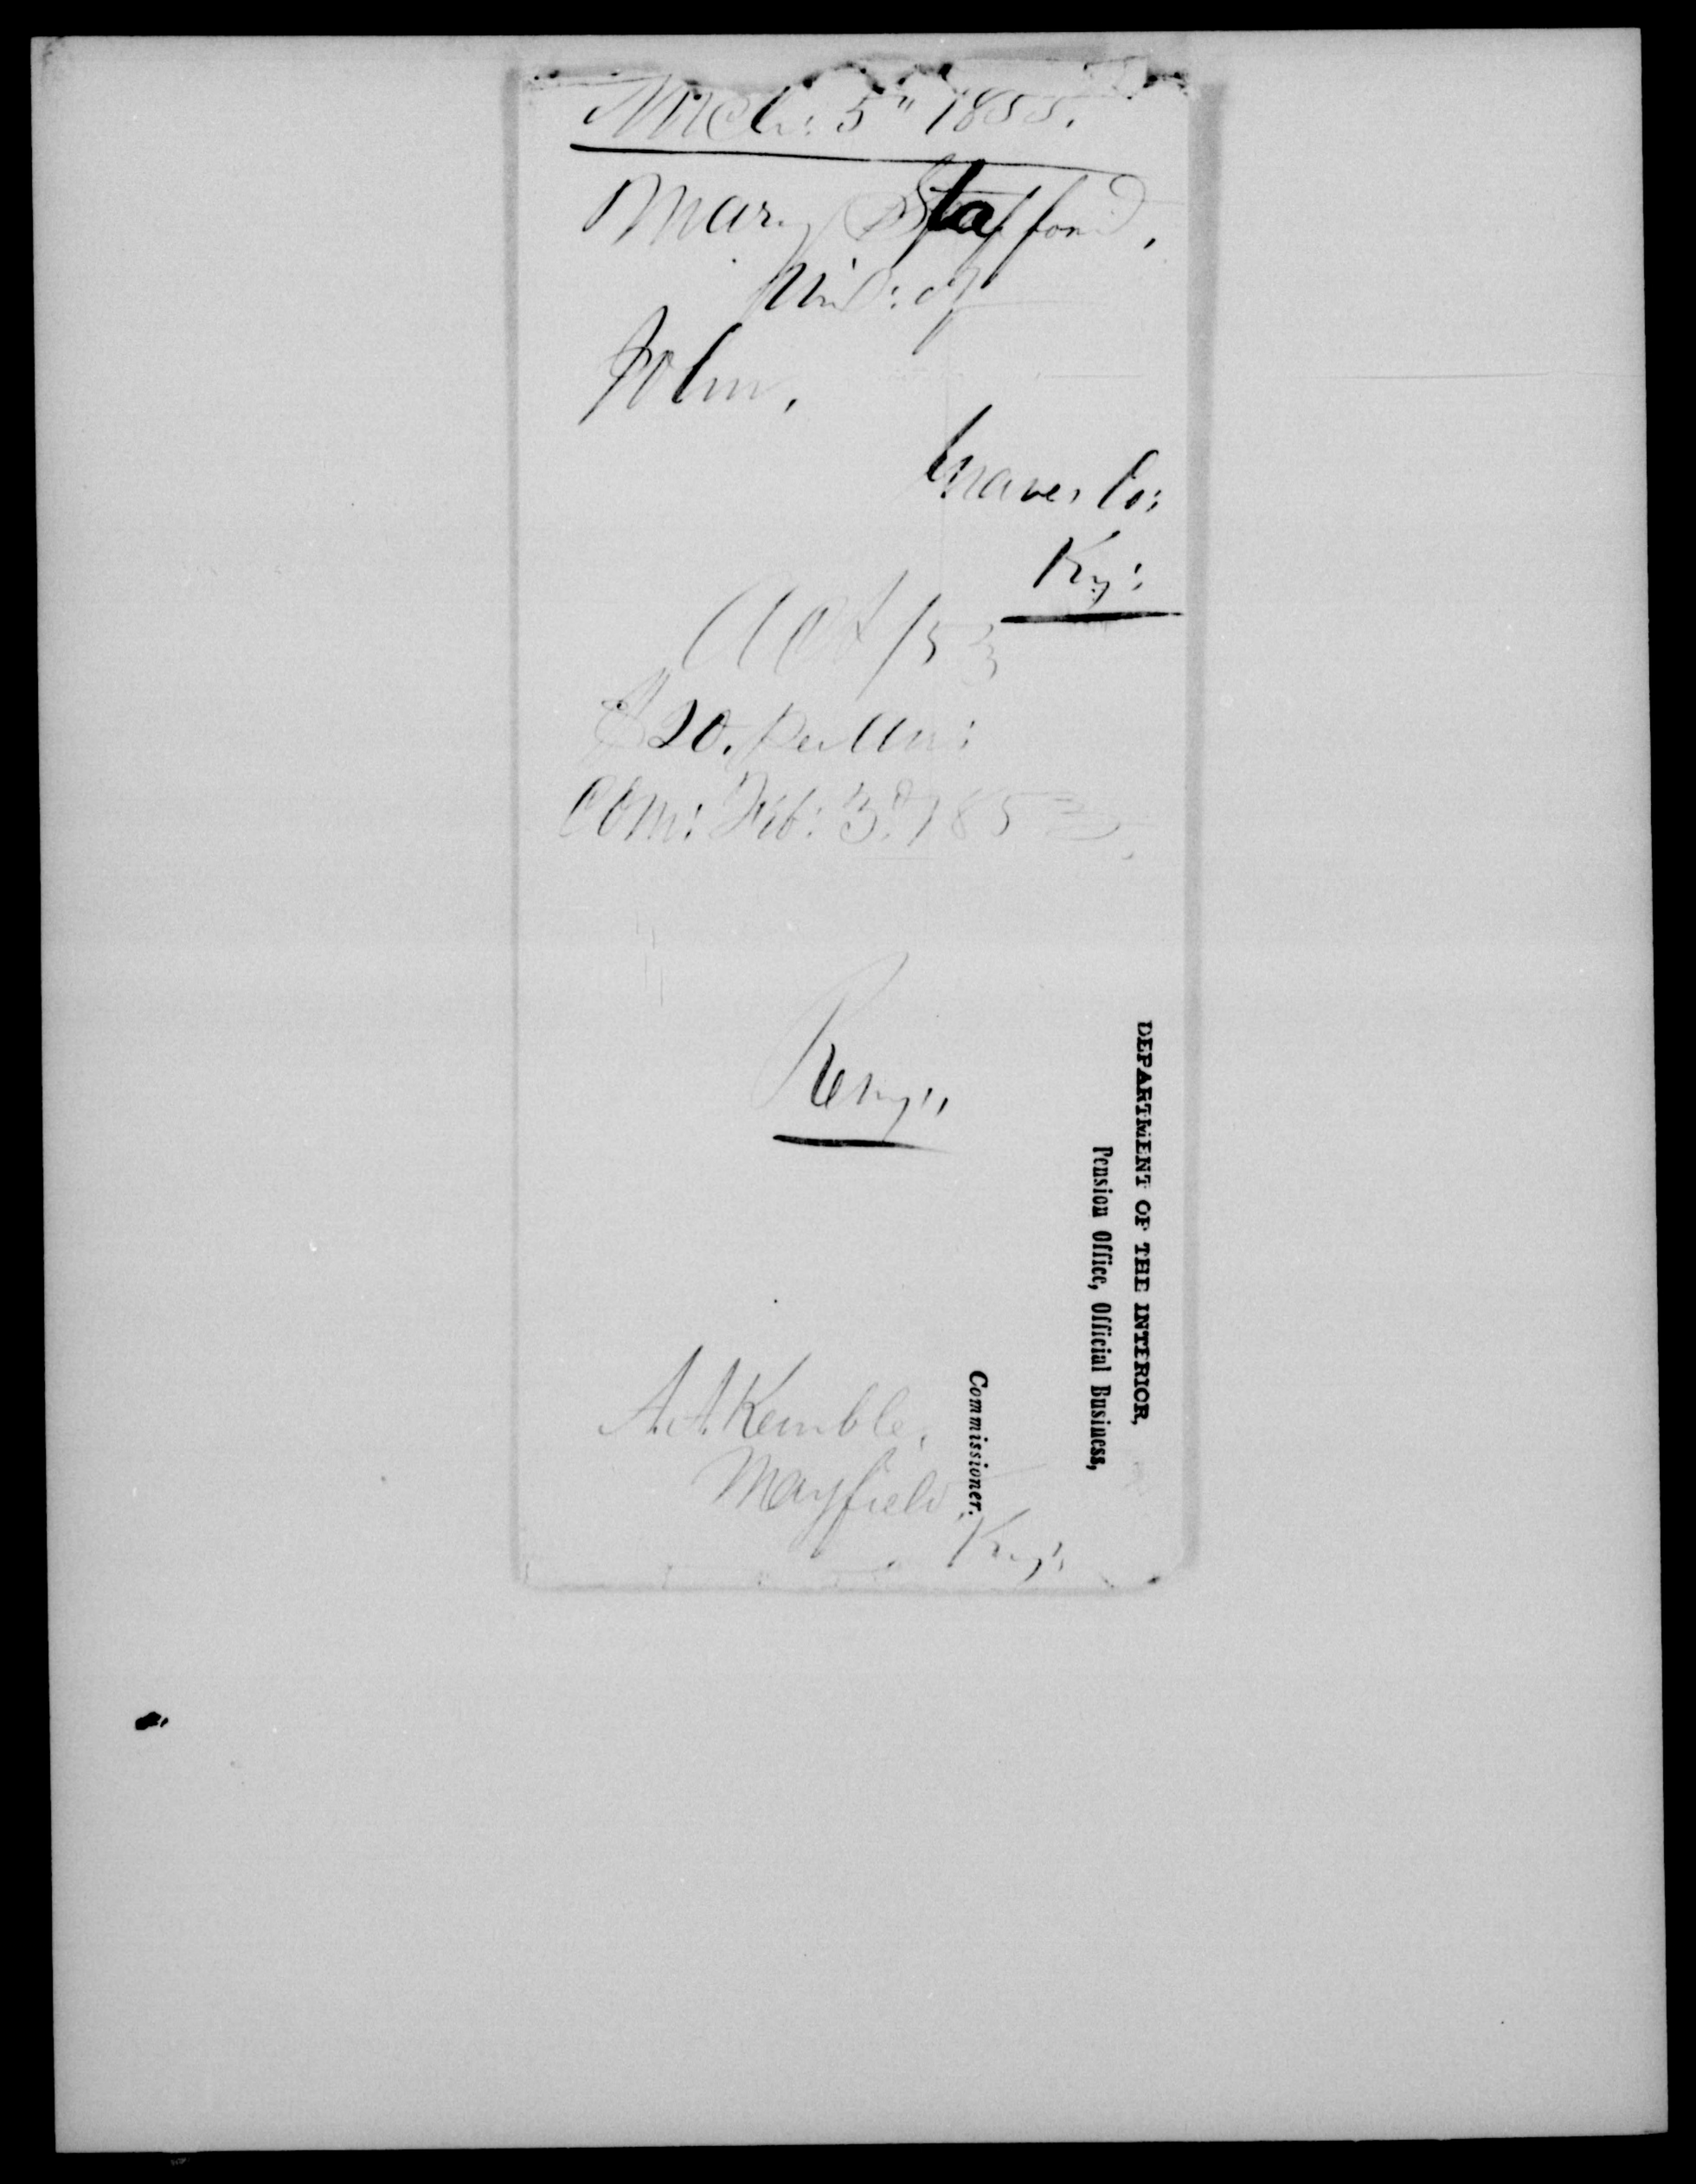Much 5th 1855
Mary Stafford did of John. 
Graves Co: 
Ky:

Act 4
$20 pension”
Cbm: Feb 3d 1853

Renger[?]

A Kemble,
Mayfield 
KY

DEPARTMENT OF THE INTERIOR
Pension Office, Official Business,
Commissioner.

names: John Stafford; Mary Stafford; A A Kemble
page: 59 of 61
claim: widow's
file: W. 11554, for John Stafford, Maryland